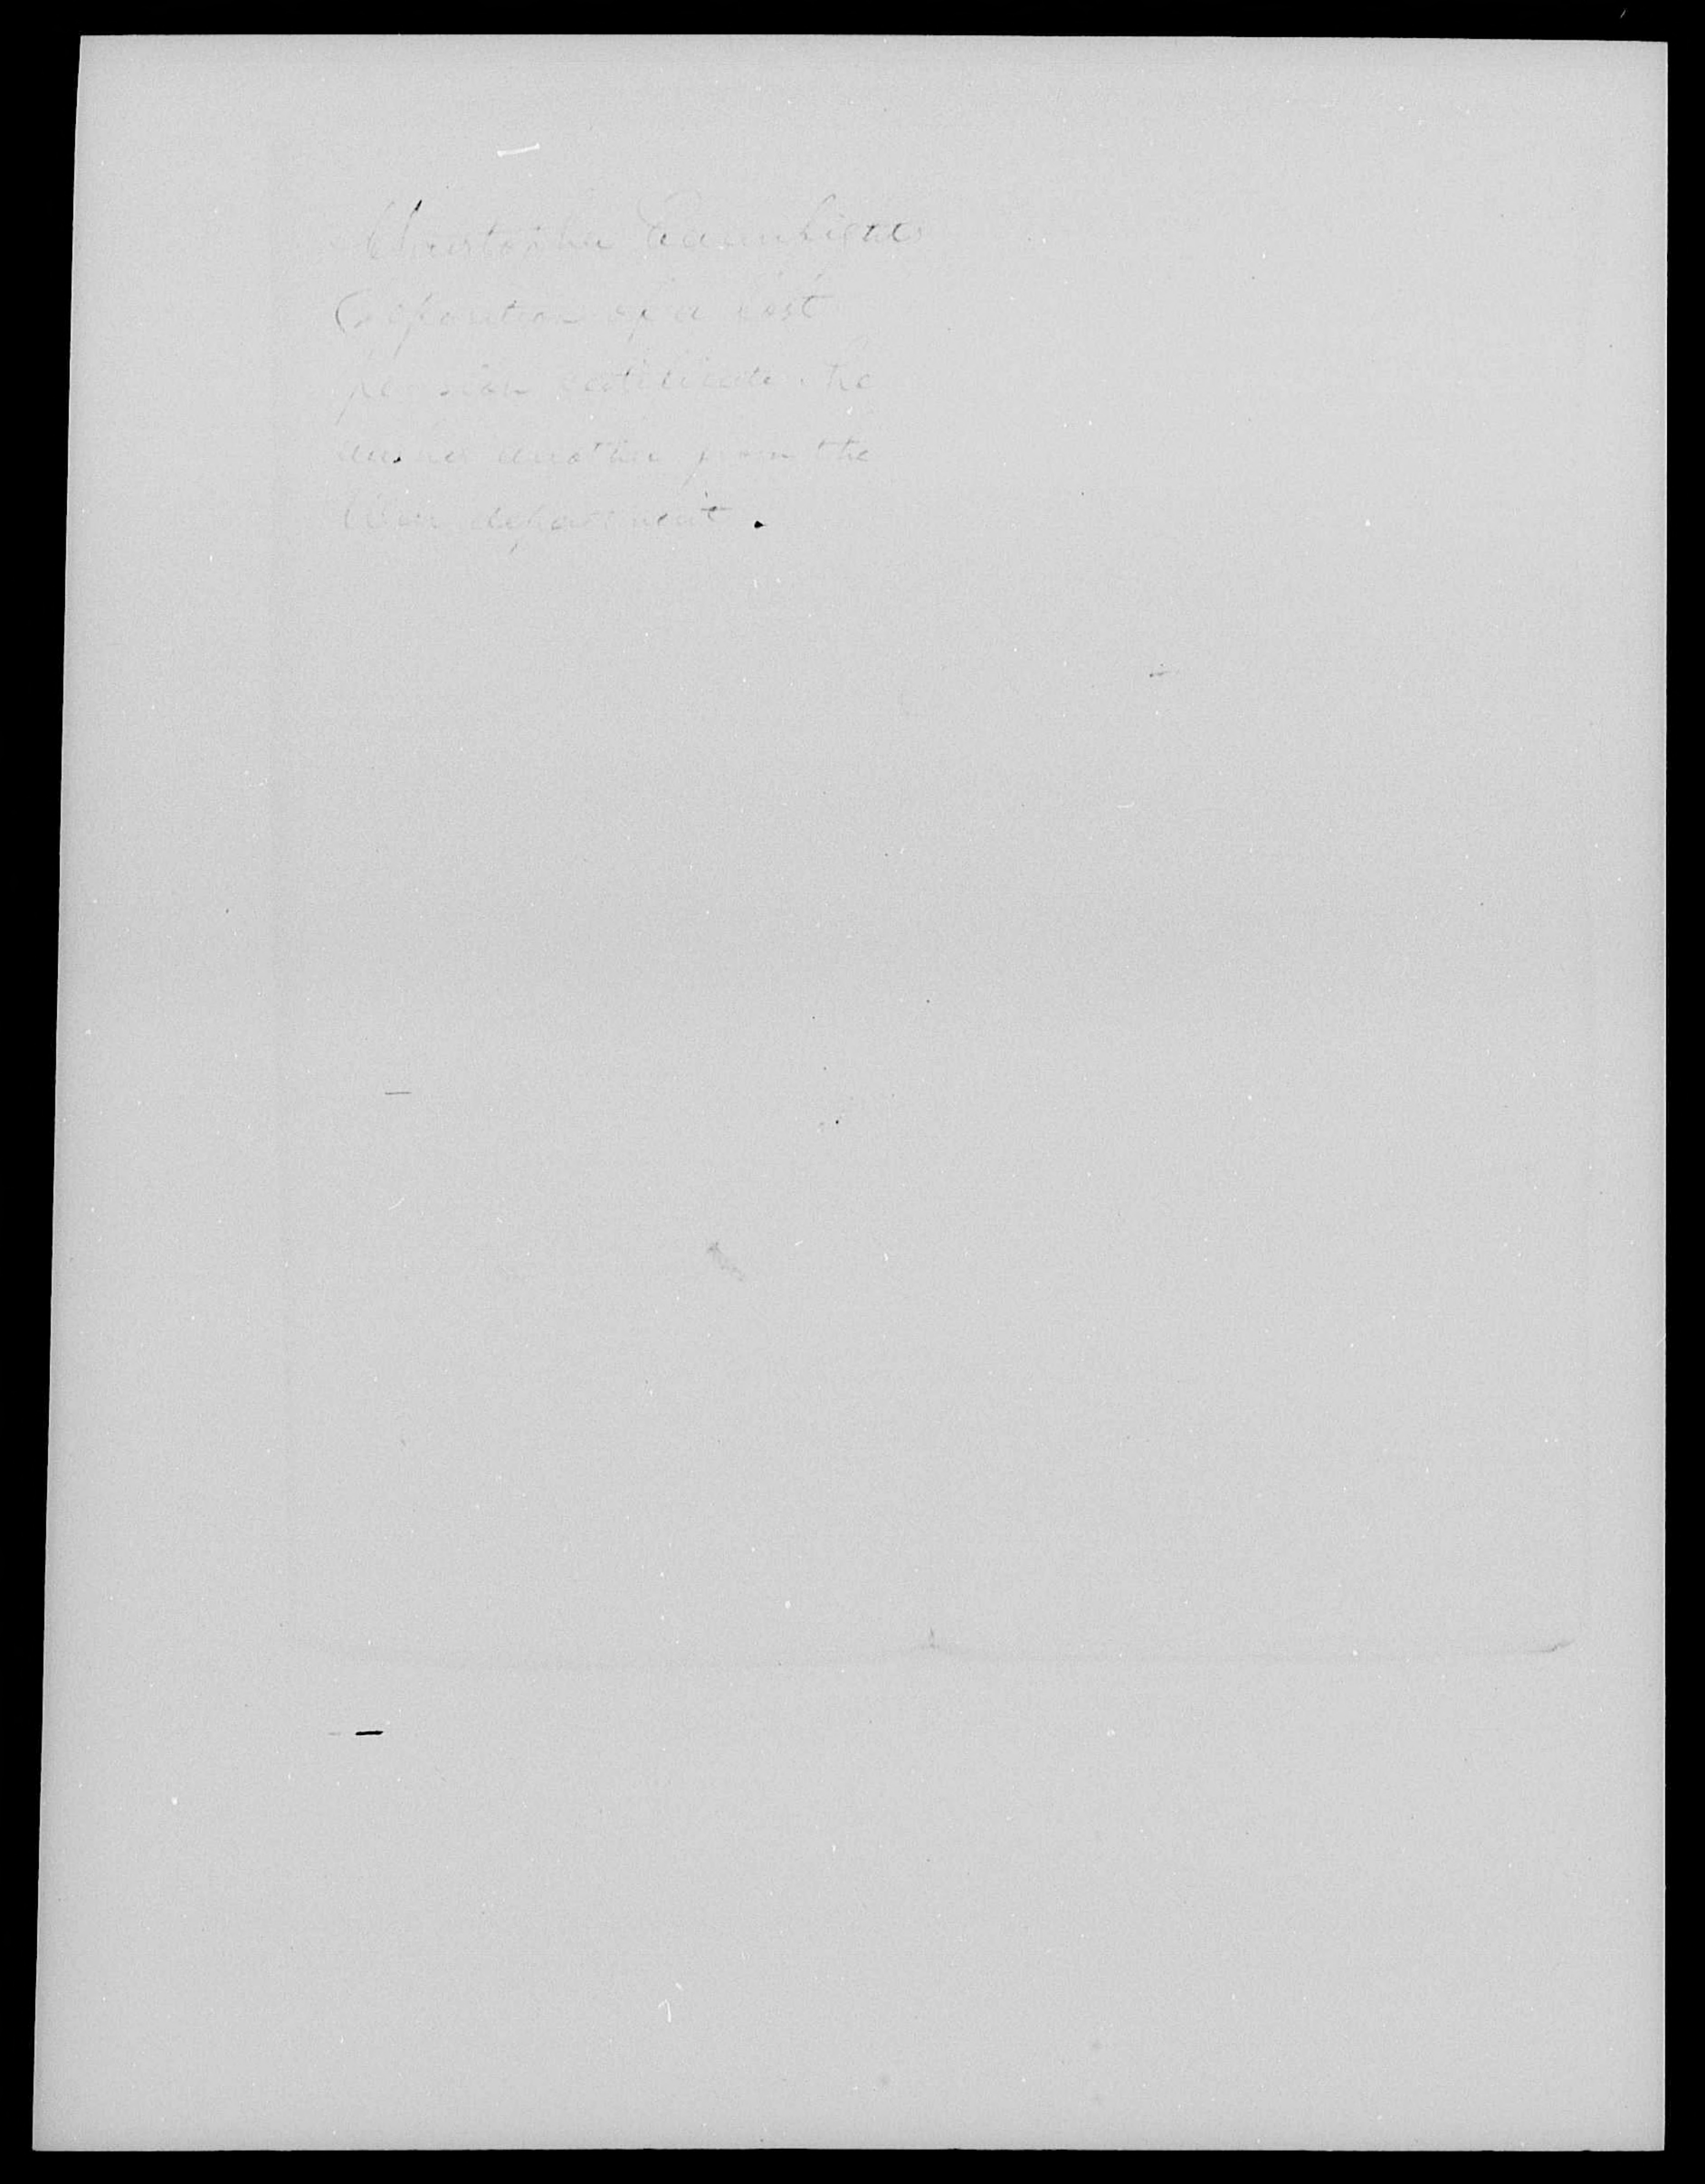Christopher Earenfight
[Calperation?] of a lost pension certificate
...another from the War Department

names: Christopher Earenfight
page: 19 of 21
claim: survivor's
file: S. 42691, Jacob Earenfight, Continental Ohio Residence And Agency